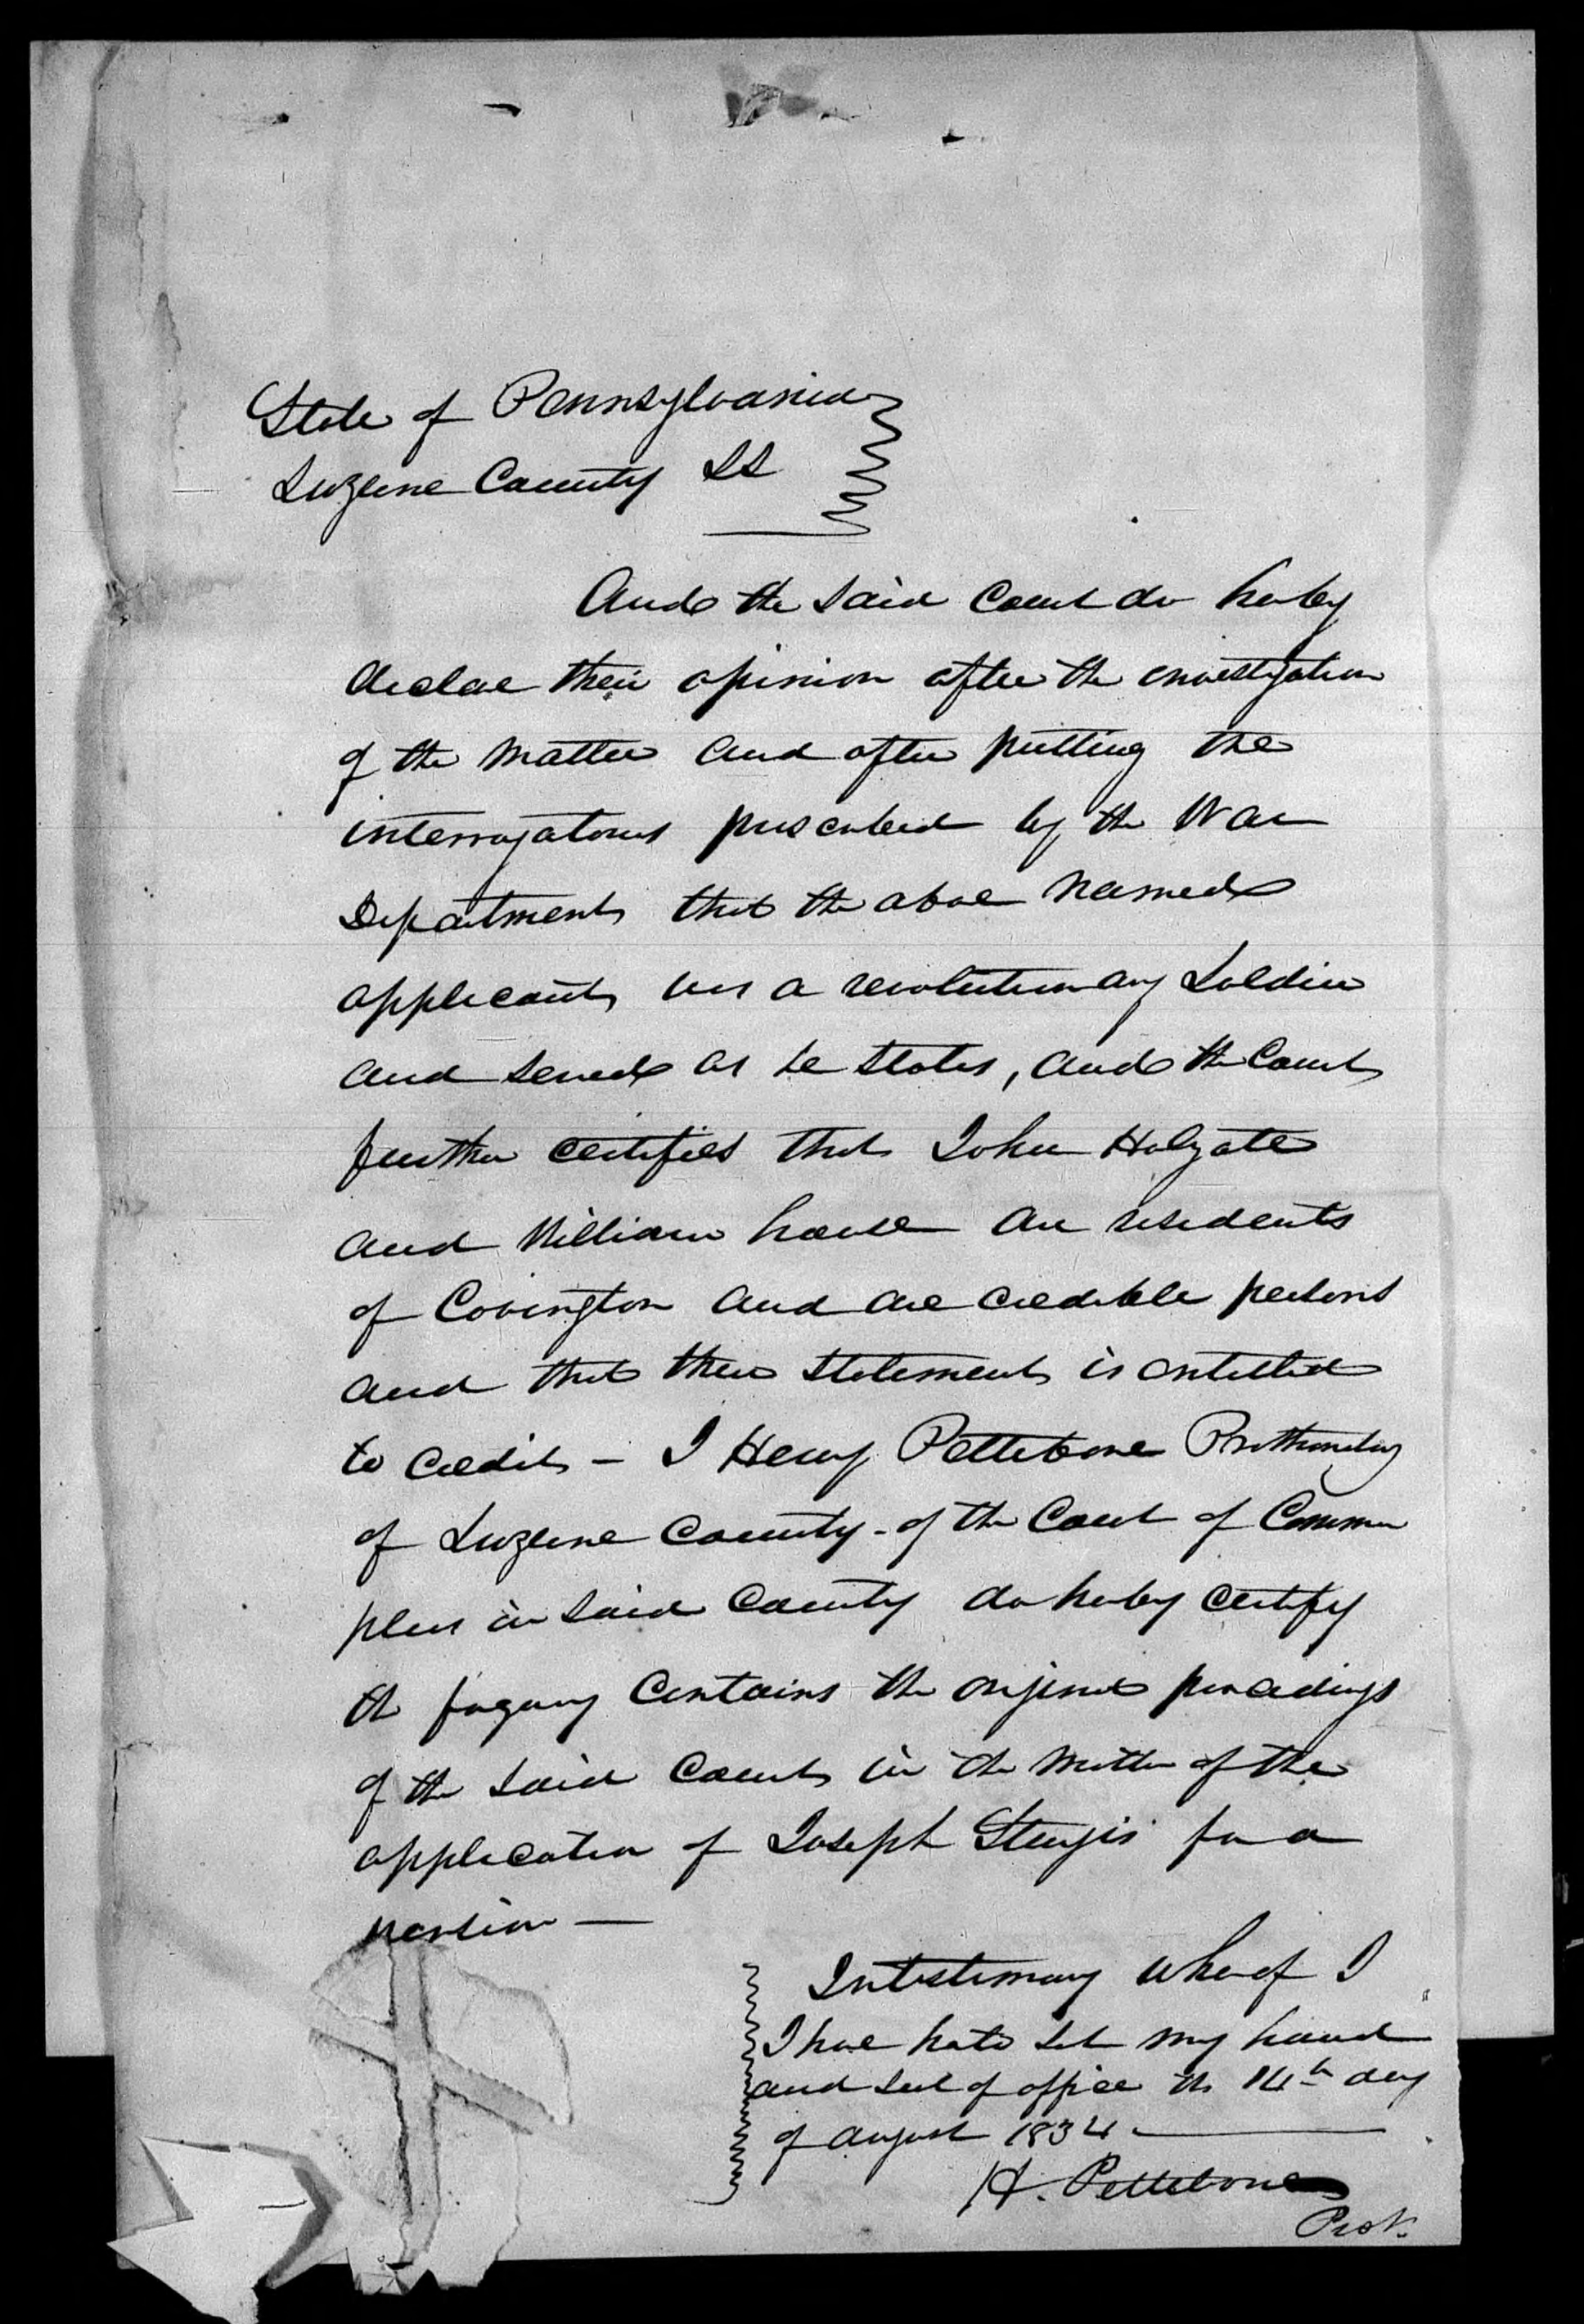State of Pennsylvania    
Luzerne County SS }     
And the said Court do hereby declare their opinion after the investigation of the matter and after putting the interrogatories prescribed by the War Department that the above named applicant was a revolutionary soldier and served as he states, and the County further certifies that John Holgate and William House are residents of Covington and are credible persons and that their statement is entitled to credit.   I Henry Pettibone Prothonotary of Luzerne County of the Court of Common pleas in said County do herby certify the foregoing contains the original proceedings of the said Court in the matter of the application of Joseph Sturgis for a pension    
In testimony whereof I I have set my hand and seal of office the 14th day of August 1834-    
H. Pettibone Prot.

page: 12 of 31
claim: survivor's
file: S. 6154, for Joseph Sturgis, Pennsylvania